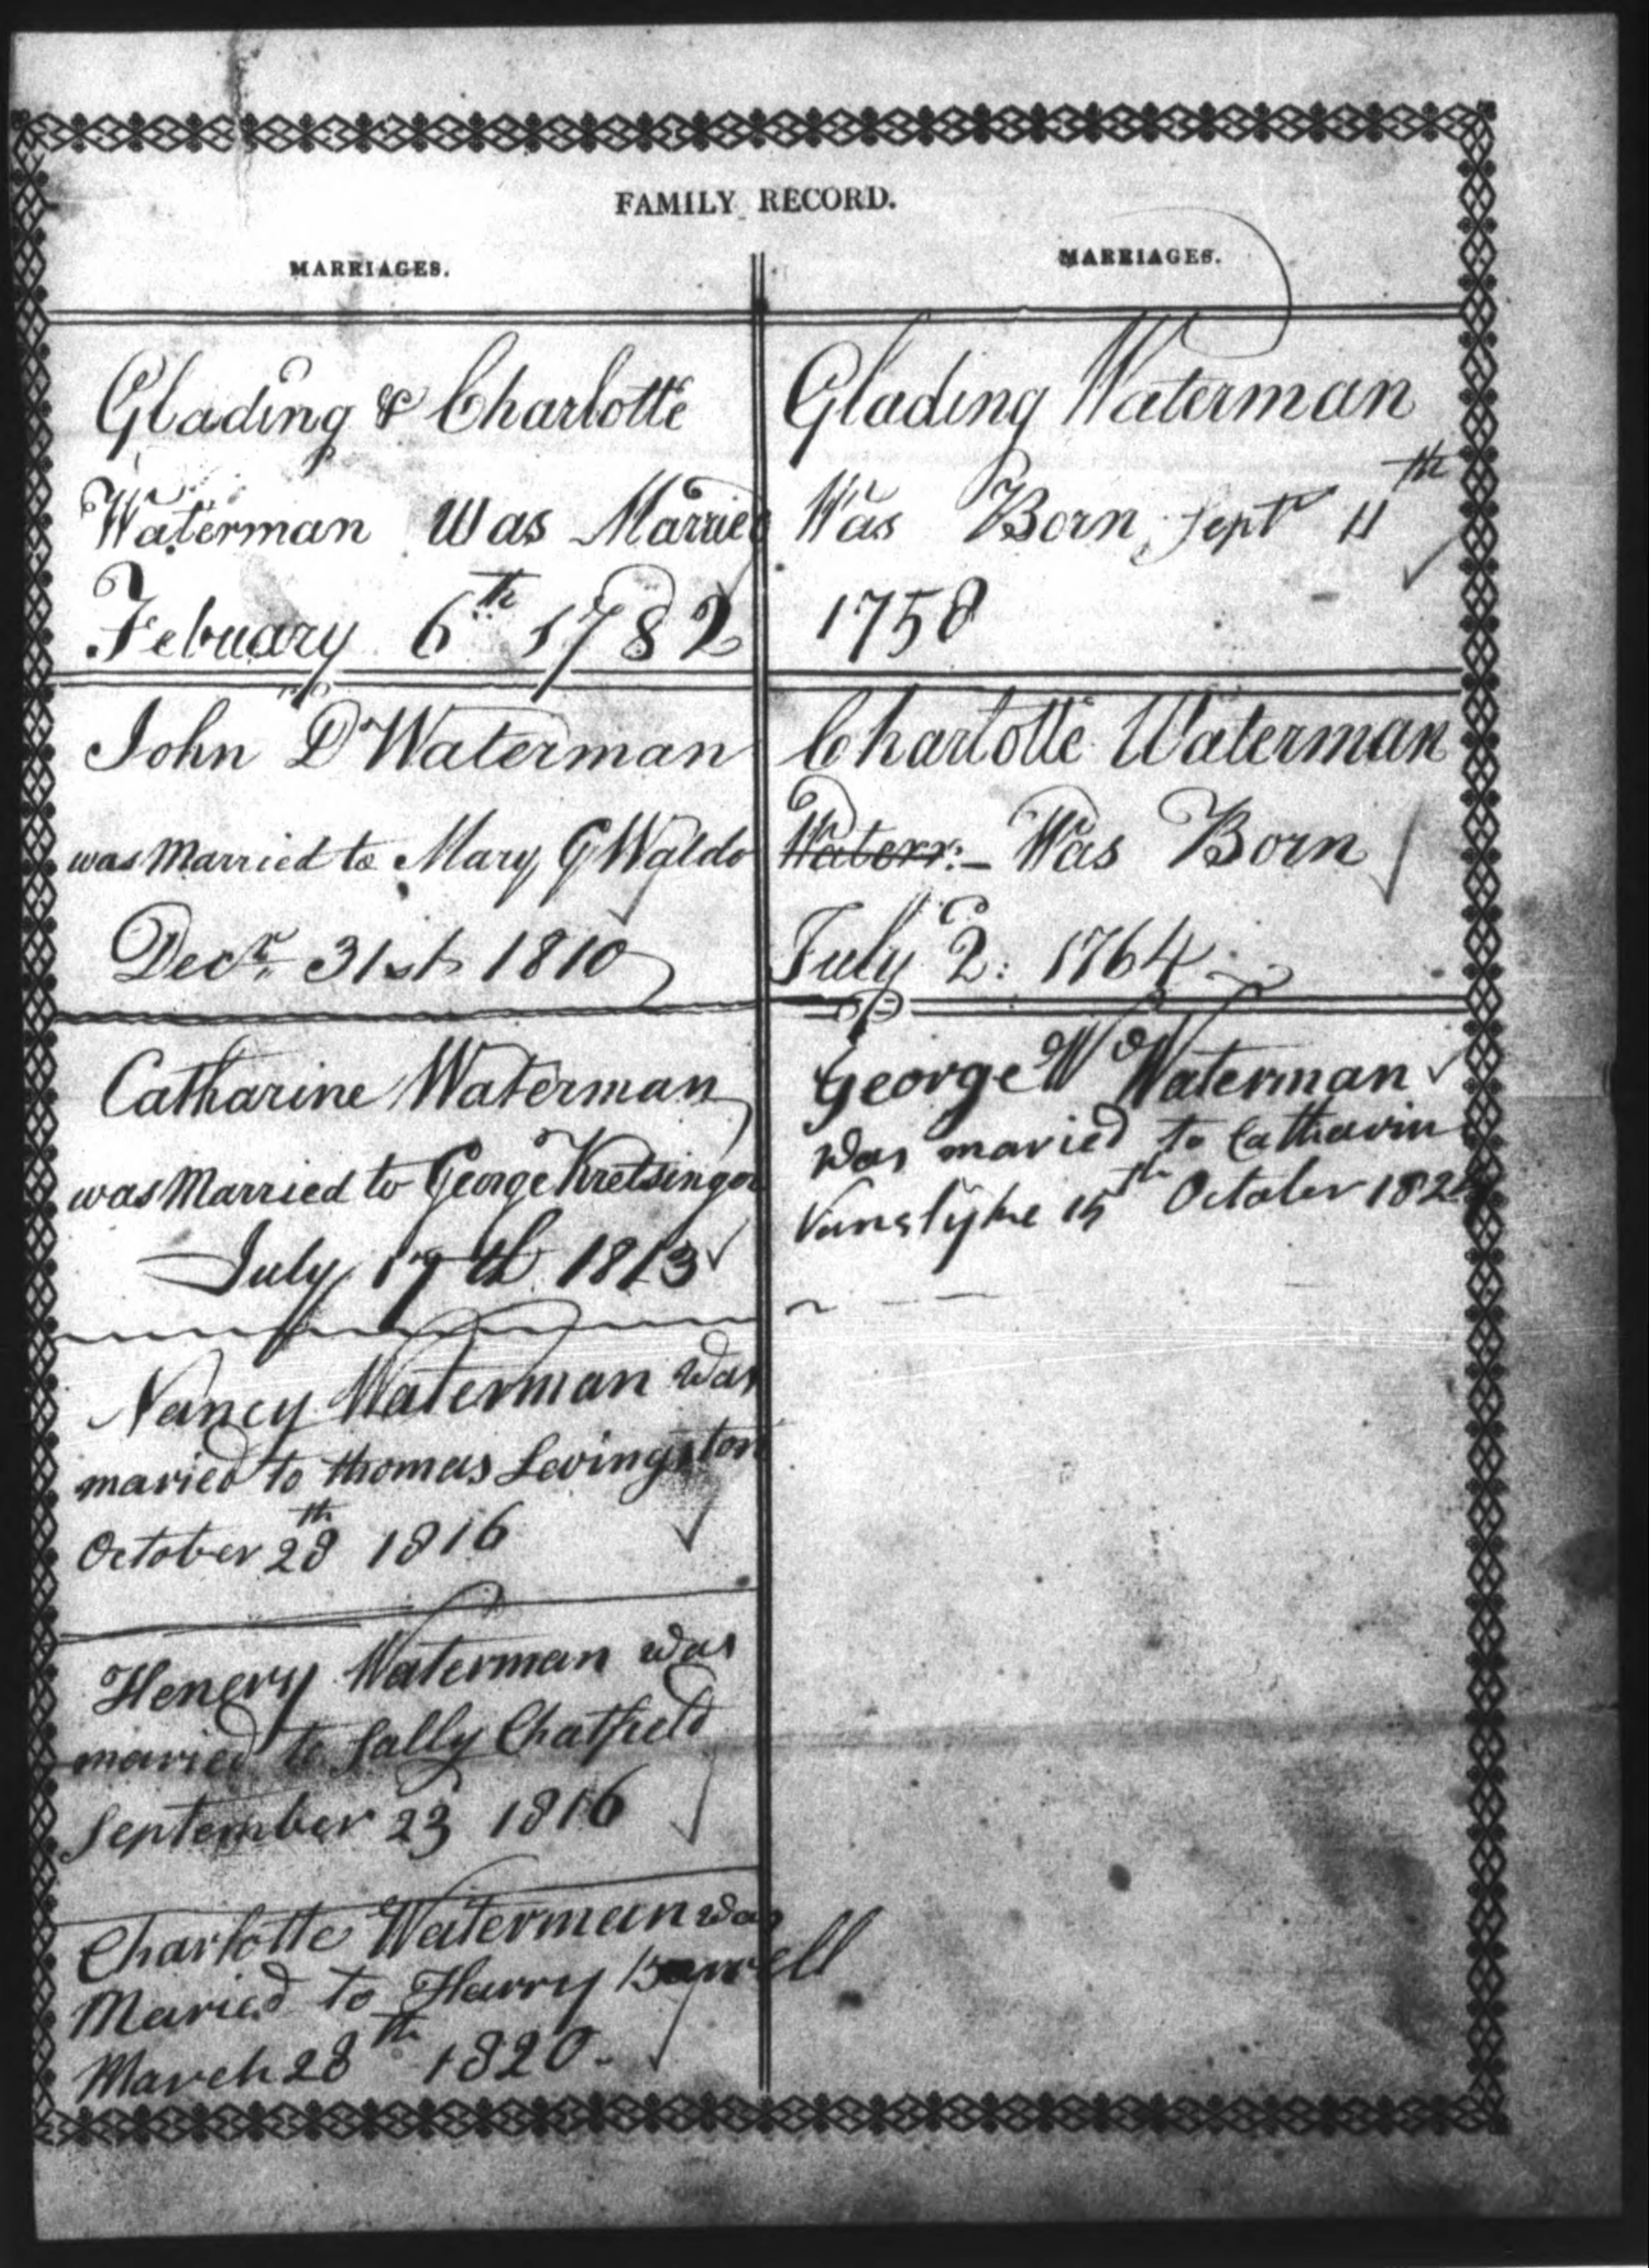FAMILY RECORD.
MARRIAGES
---------------------
Glading & Charlotte
Waterman was Married
February 6th 1782
---------------------------
John D Waterman
was Married to Mary G Waldo
Dec 31st 1810
----------------------------------
Catharine Waterman 
Was Married to George Kretsinger
July 7th 1813
---------------------------------------
Nancy Waterman was
Married to Thomas Levingston
October 28th 1816
--------------------------------------
Henry Waterman was
married to Sally Chatfield
September 23 1816
----------------------------------------
Charlotte Waterman was
Married to Harry Burrell
March 28th 1820
----------------------------------------
Glading Waterman
Was Born Sept 11th
 1758
-----------------------------------------
Charlotte Waterman
[         ]: - Was Born
July 2d 1764
------------------------------------------
George W Waterman
was married to Catharine 
Vanslykej 15th Oct 182[ ]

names: John D Waterman, Glading Waterman, George W Waterman, Thomas Levingston, Nancy Waterman, Henery Waterman, Mary G Waldo, Charlotte Waterman, George Kretsinger, Catharine Waterman, Harry Burrell, Catharin Vanslyke, Sally Chatfield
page: 44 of 50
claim: widow's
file: W. 15814, Glading Waterman, Conn. Conn. Sea Service Continental